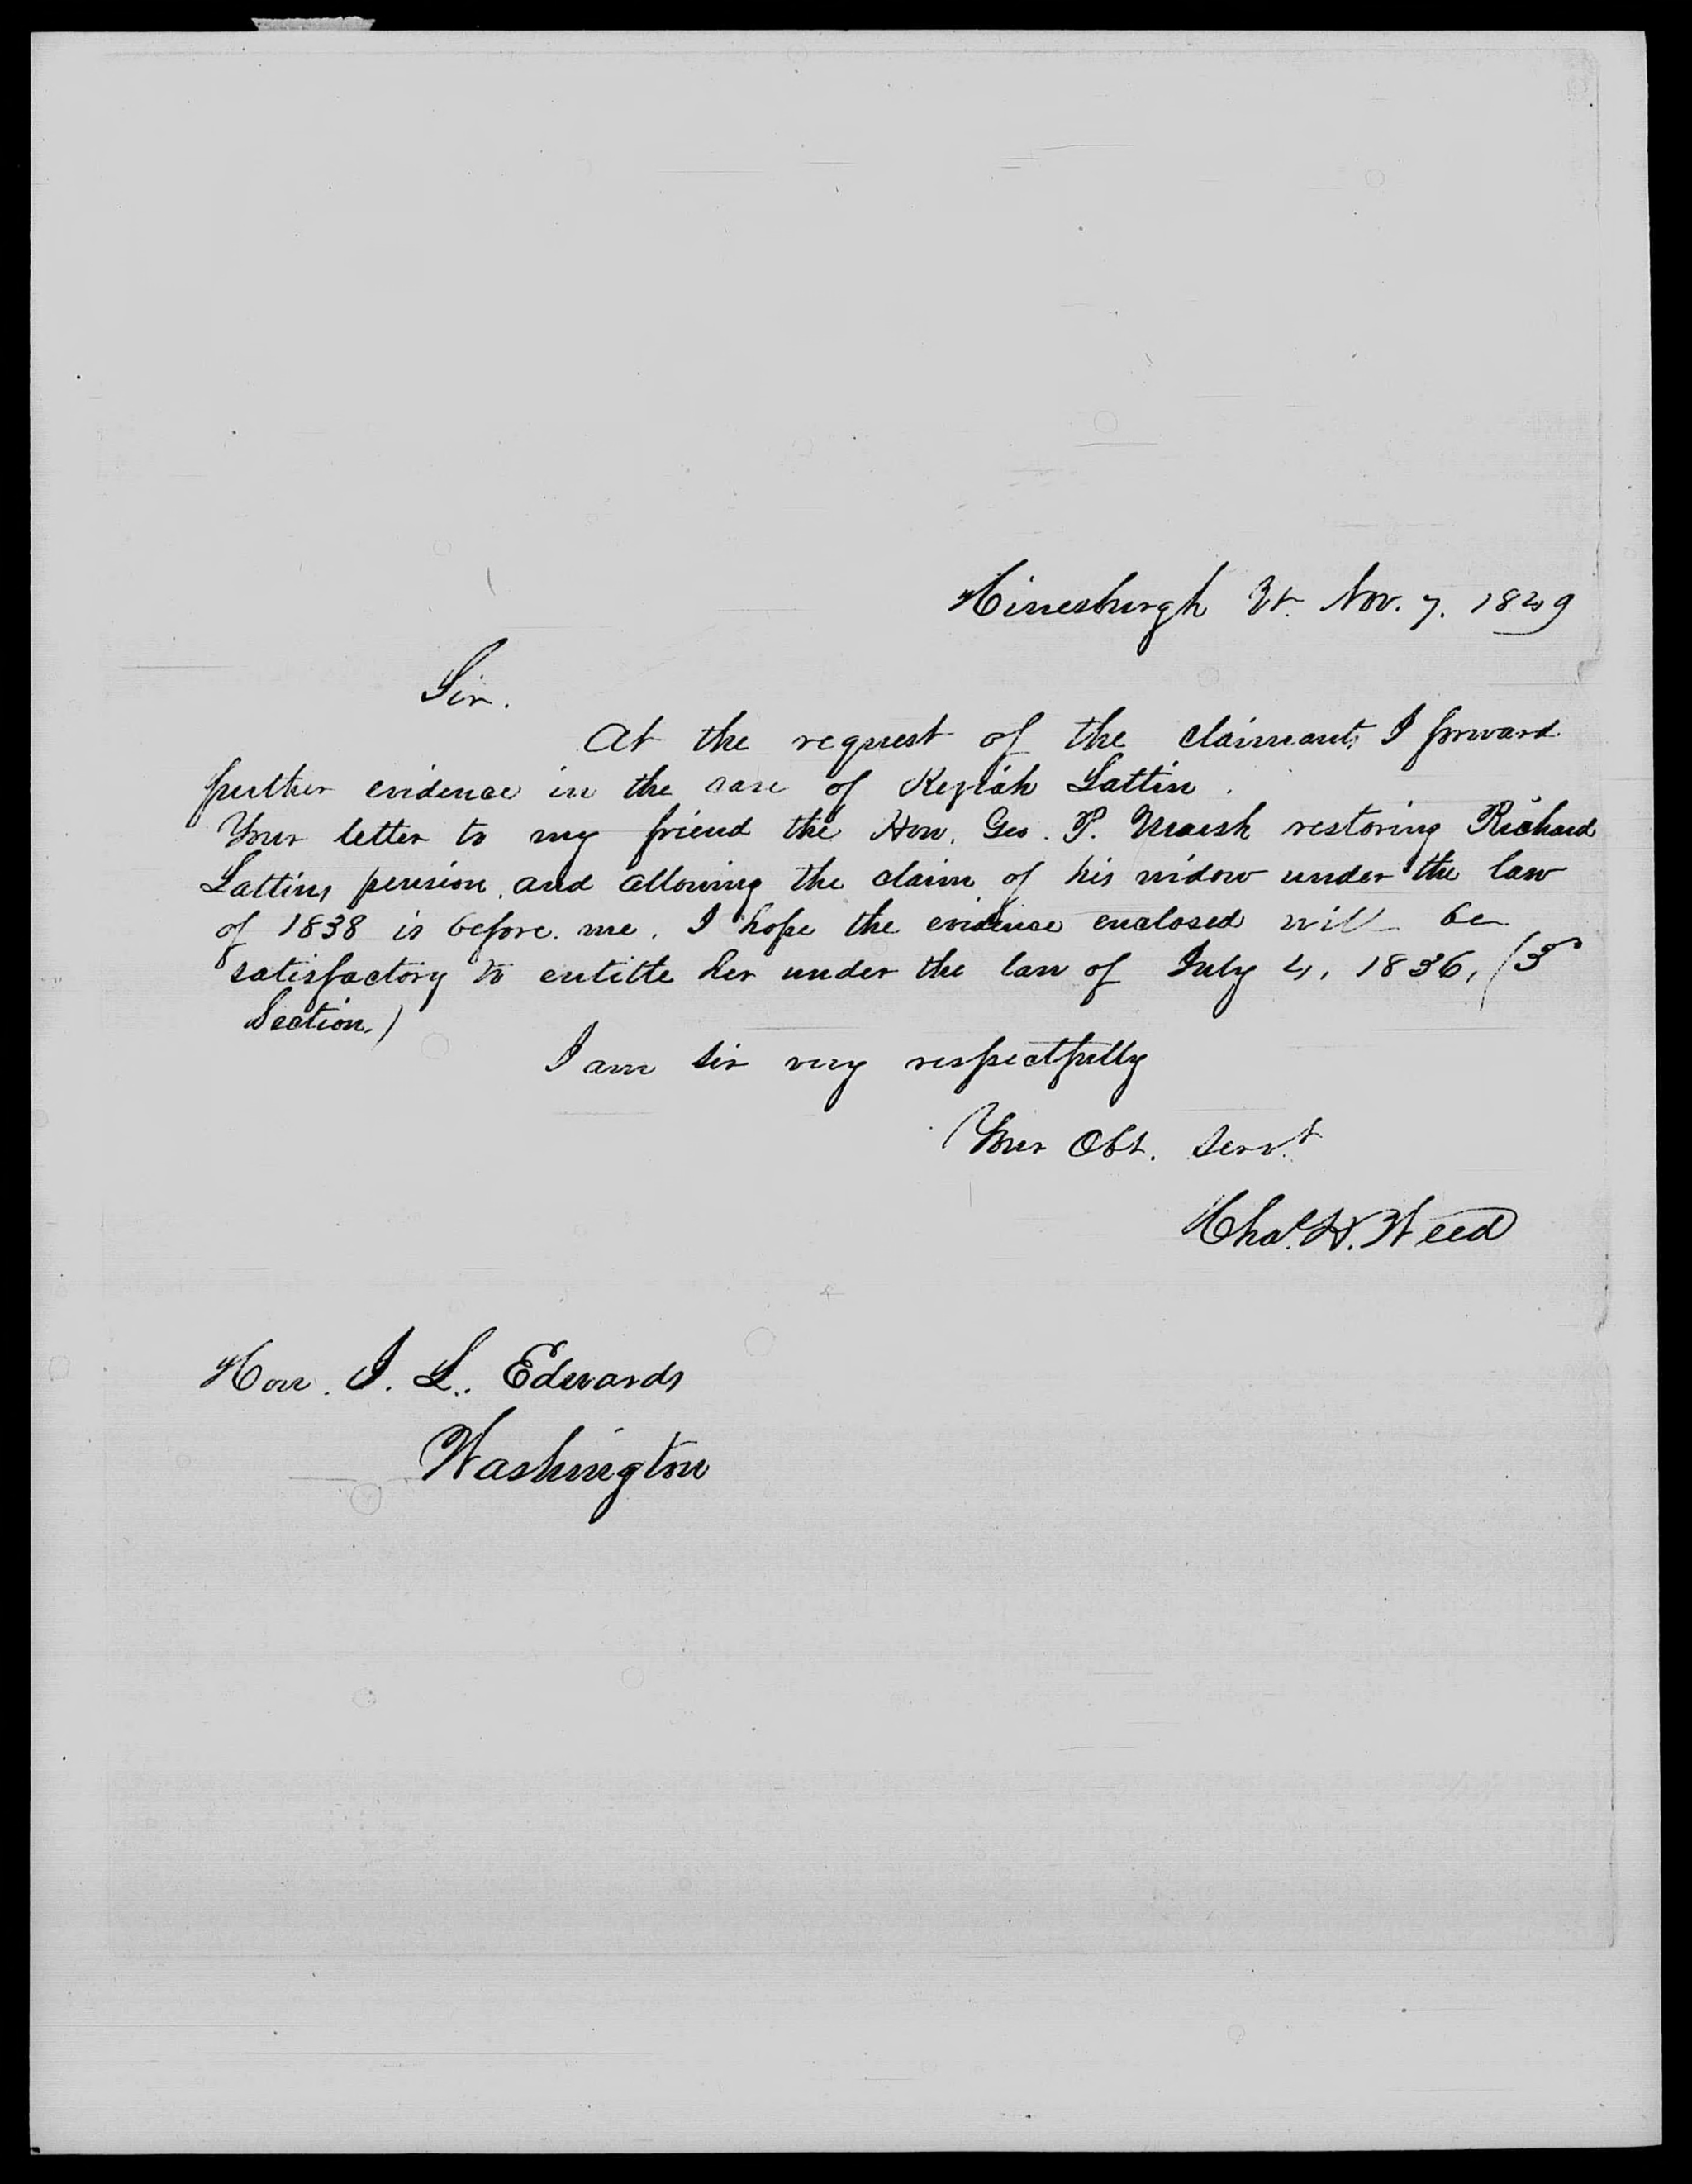Hinesburgh Vt. Nov. 7. 18[3]9
Sir
At the request of the claimants, I forward
further evidence in the case of Keziah Lattin.
Your letter to my friend the Hon. Geo. P. Marsh restoring Richard Lattin’s pension, and allowing the claim of his widow under the law of 1838 is before me. I hope the evidence enclosed will be satisfactory to entitle her under the law of July 4, 1836, (3’d Section)

I am sir very respectfully
Your obt Servt
Chas H. Weed

Hon. J. L. Edwards
Washington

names: J L Edwards; Geo P Marsh; Chas H Weed; Keziah Lattin; Richard Lattin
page: 86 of 99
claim: widow's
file: W. 24,482, for Richard Lattin, Vermont